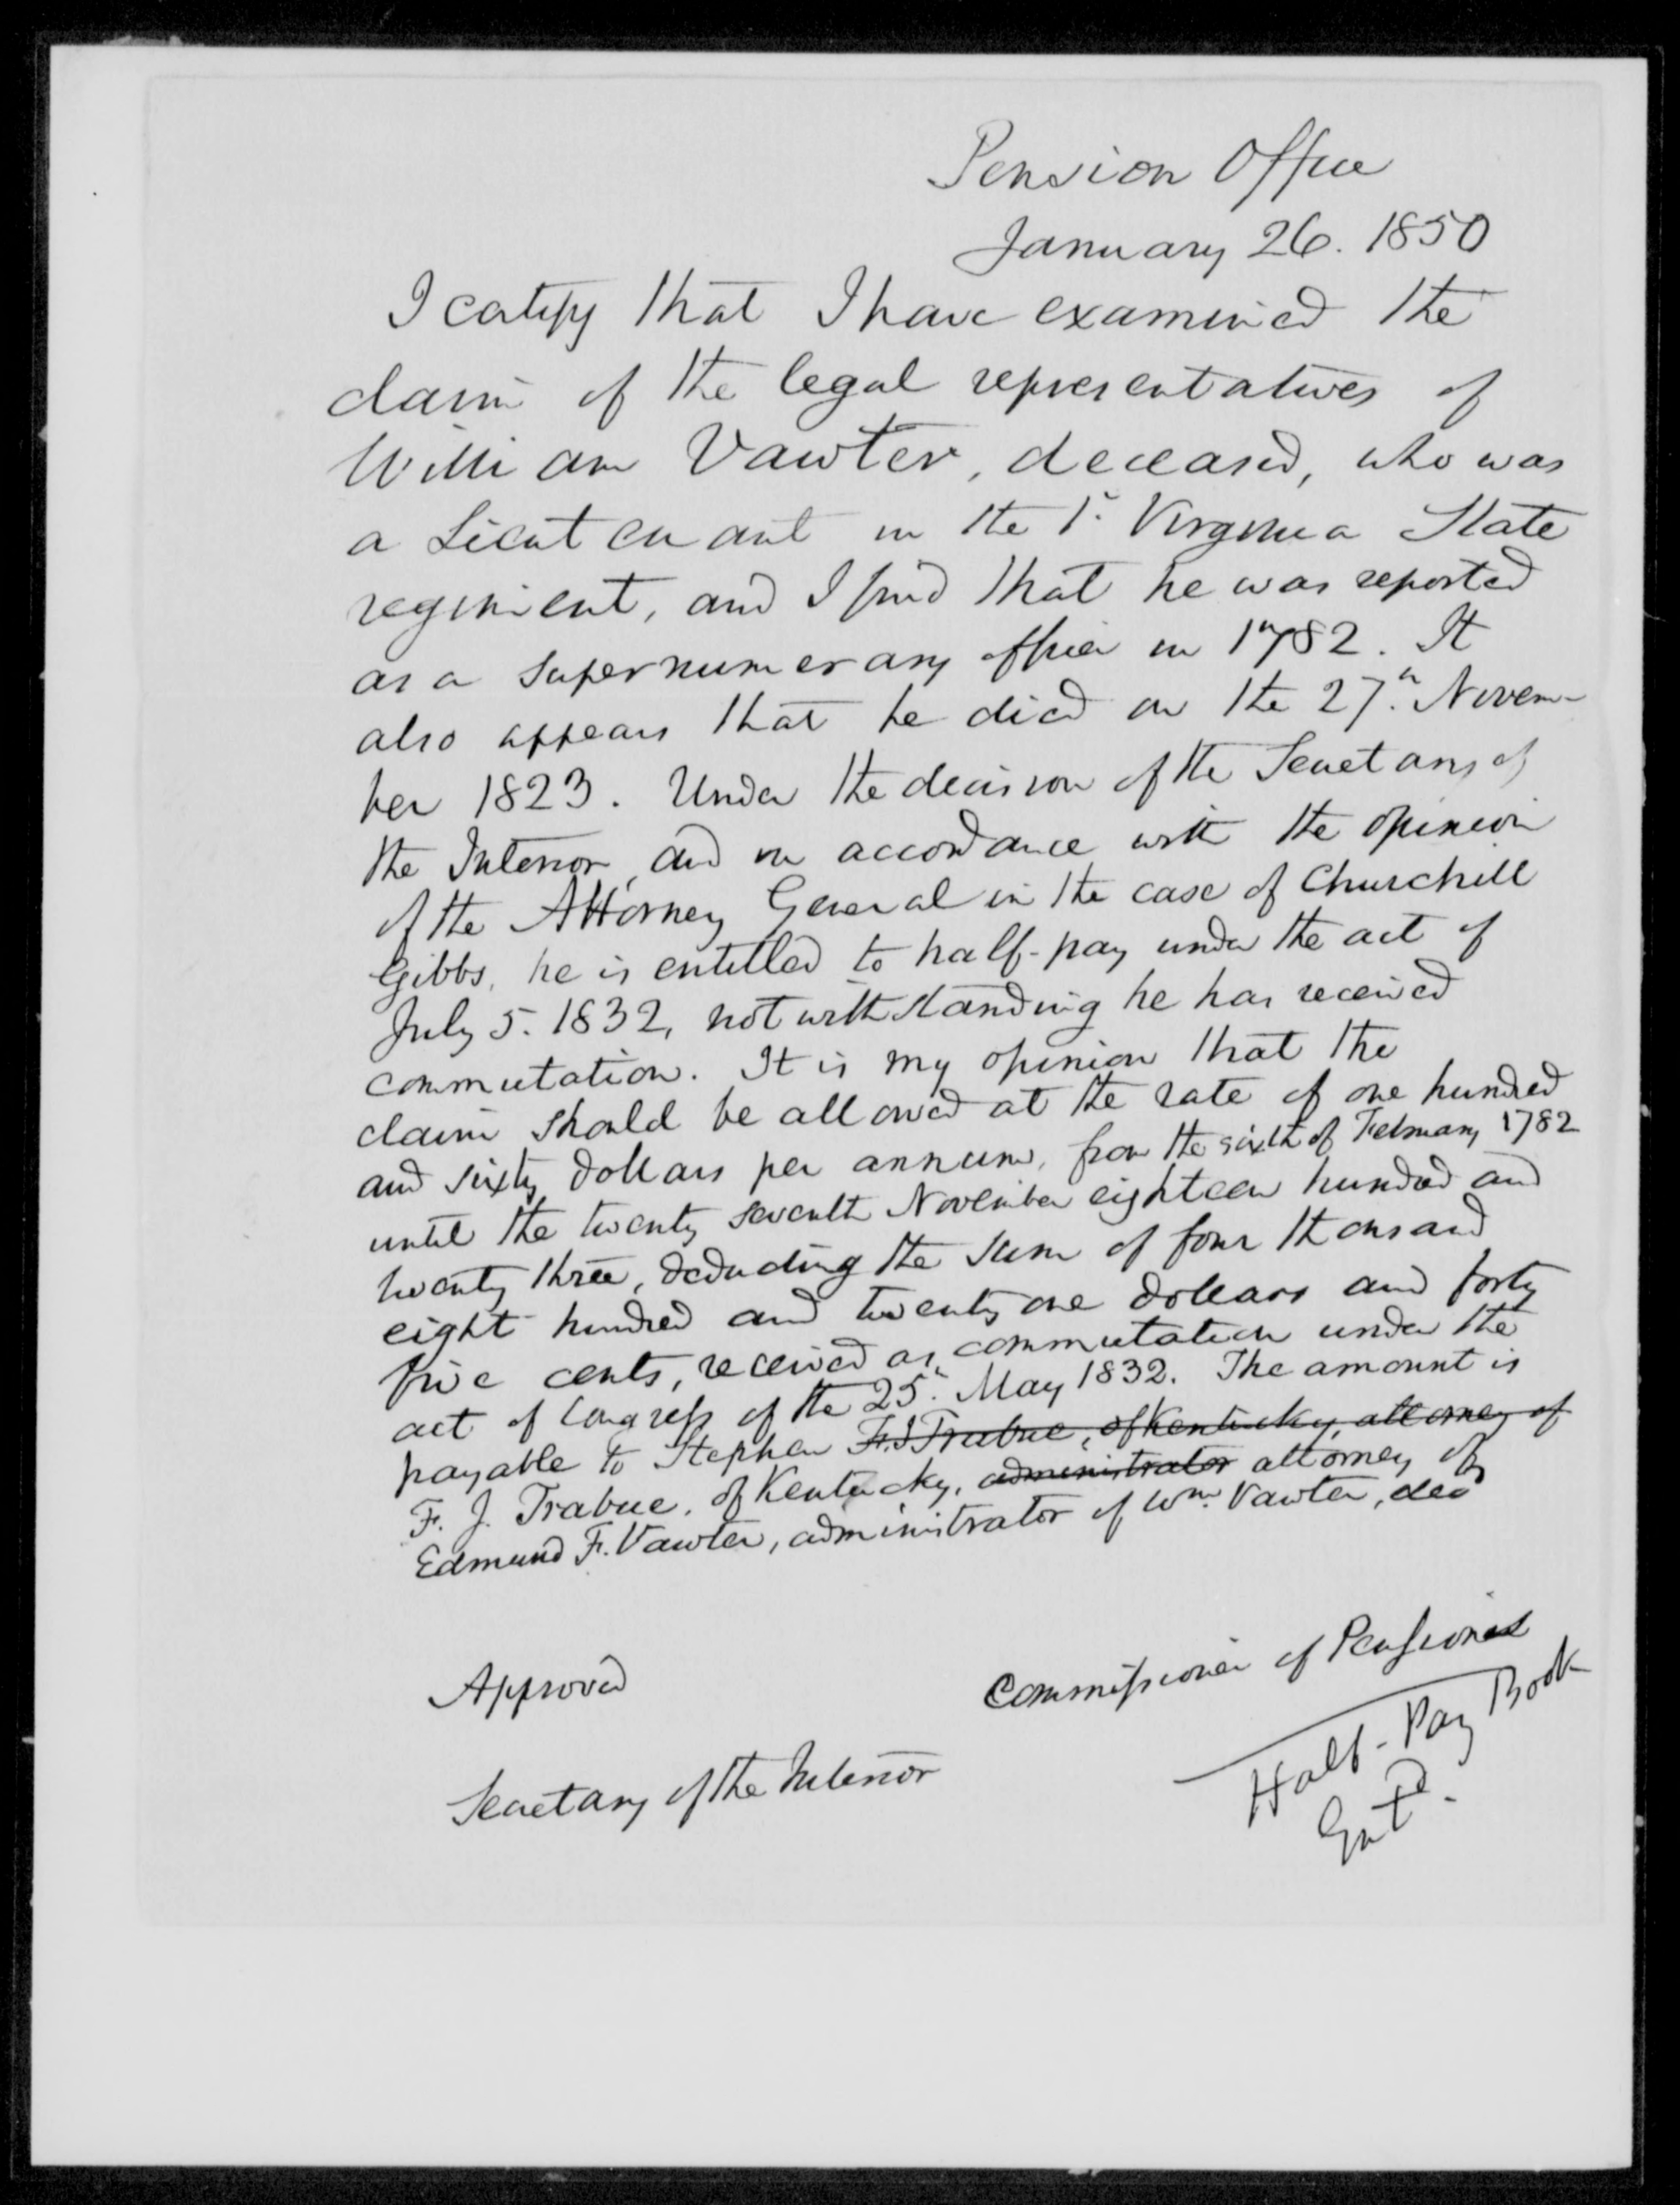Pension Office
January 26. 1850
I certify that I have examined the
claim of the legal representatives of
William Vawter, deceased, who was 
a Lieutenant in the Virginia State
regiment, and I find that he was reported
as a supernumerary officer in 1782. It
also appears that he died on the 27th November 
1823. Under the decision of the Secetary of
the Interior, and in accordance with the opinion
of the Attorney General in the case of Churchill
Gibbs, he is entitled to half-pay under the act of
July 5, 1832, not withstanding he has received
commutation. It is my opinion that the
claim should be allowed at the rate of one hundred
and sixty dollars per annum from the sixth of February 1782
until the twenty seventh November eighteen hundred and
twenty three, deducting the sum of four thousand
eight hundred and twenty one dollars and forty
five cents, received as commutation under the
of Congress of the 25th May 1832. The amount is
able to Stephen 
F. J. Trabue,  of Kentucky, attorney of
Edmund F. Vawter, administrator of Wm Vawter, decd
Approved
Secretary of the Interior
Commissioner of Pensions
Half - Pay Book
Entd.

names: F J Trabue, Stephen, Wm Vawter, William Vawter, Churchill Gibbs, Edmund F Vawter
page: 20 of 51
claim: rejected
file: R. 10,921, William Vawter, Va.